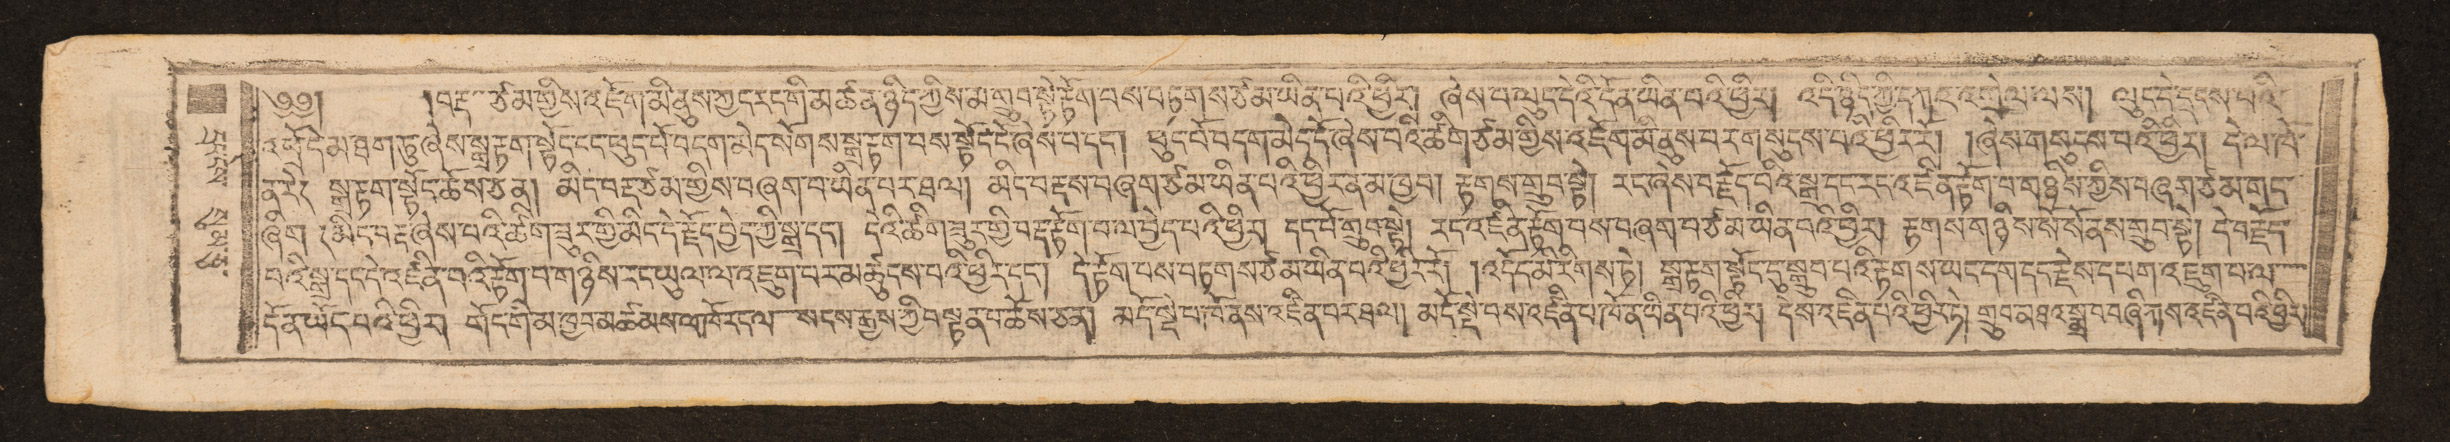༄༅། །བརྡ་ཙམ་གྱིས་འཇོག་མི་ནུས་ཀྱང་རང་གི་མཚན་ཉིད་ཀྱིས་མ་གྲུབ་སྟེ་རྟོག་པས་བཏགས་ཙམ་ཡིན་པའི་ཕྱིར། ཞེས་པ་ལུང་དེའི་དོན་ཡིན་པའི་ཕྱིར། འདི་ཉིད་ཀྱི་དཀའ་འགྲེལ་ལས། ལུང་དེ་དྲངས་པའི་
འཕྲོ་དེ་མ་ཐག་ཏུ་ཞེས་སྒྲ་རྟག་སྟོང་དང་ཕུང་པོ་བདག་མེད་སོགས་སྒྲ་རྟག་པས་སྟོང་ངོ་ཞེས་པ་དང་། ཕུང་པོ་བདག་མེད་དོ་ཞེས་པའི་ཚིག་ཙམ་གྱིས་འཇོག་མི་ནུས་པར་གསུངས་པའི་ཕྱིར་རོ། །ཞེས་གསུངས་པའི་ཕྱིར། དེ་ལ་ཁོ་
ན་རེ༑ སྒྲ་རྟག་སྟོང་ཆོས་ཅན། མིང་བརྡ་ཙམ་གྱིས་བཞག་པ་ཡིན་པར་ཐལ། མིང་བརྡས་བཞག་ཙམ་ཡིན་པའི་ཕྱིར་ན་མ་ཁྱབ། རྟགས་གྲུབ་སྟེ། རང་ཞེས་བརྗོད་པའི་སྒྲ་དང་རང་འཛིན་རྟོག་པ་གཉིས་ཀྱིས་བཞག་ཙམ་གང་
ཞིག ༑མིང་བརྡ་ཞེས་པའི་ཚིག་ཟུར་གྱི་མིང་དེ་རྗོད་བྱེད་ཀྱི་སྒྲ་དང་། དེའི་ཚིག་ཟུར་གྱི་བརྡ་རྟོག་པ་ལ་བྱེད་པའི་ཕྱིར། དང་པོ་གྲུབ་སྟེ། རང་འཛིན་རྟོག་པས་བཞག་པ་ཙམ་ཡིན་པའི་ཕྱིར། རྟགས་གཉིས་སོ་སོ་ནས་གྲུབ་སྟེ། དེ་བརྗོད་
པའི་སྒྲ་དང་དེ་འཛིན་པའི་རྟོག་པ་གཉིས་རང་ཡུལ་ལ་འཇུག་པར་མཚུངས་པའི་ཕྱིར་དང་། དེ་རྟོག་པས་བཏགས་ཙམ་ཡིན་པའི་ཕྱིར་རོ། །འདོད་མི་རིགས་ཏེ། སྒྲ་རྟག་སྟོང་དུ་སྒྲུབ་པའི་རྟགས་ཡང་དག་དང་རྗེས་དཔག་འཇུག་པ་ལ་
དོན་ཡོད་པའི་ཕྱིར། གོང་གི་མ་ཁྱབ་མཚམས་ལ་ཁོ་རང་ལ་སངས་རྒྱས་ཀྱི་བསྟན་པ་ཆོས་ཅན། མདོ་སྡེ་པ་ཁོ་ནས་འཛིན་པར་ཐལ། མདོ་སྡེ་བས་འཛིན་པ་ཁོ་ན་ཡིན་པའི་ཕྱིར། དེས་འཛིན་པའི་ཕྱིར་ཏེ། གྲུབ་མཐའ་སྨྲ་བ་བཞི་ཀག་འཛིན་པའི་ཕྱིར་